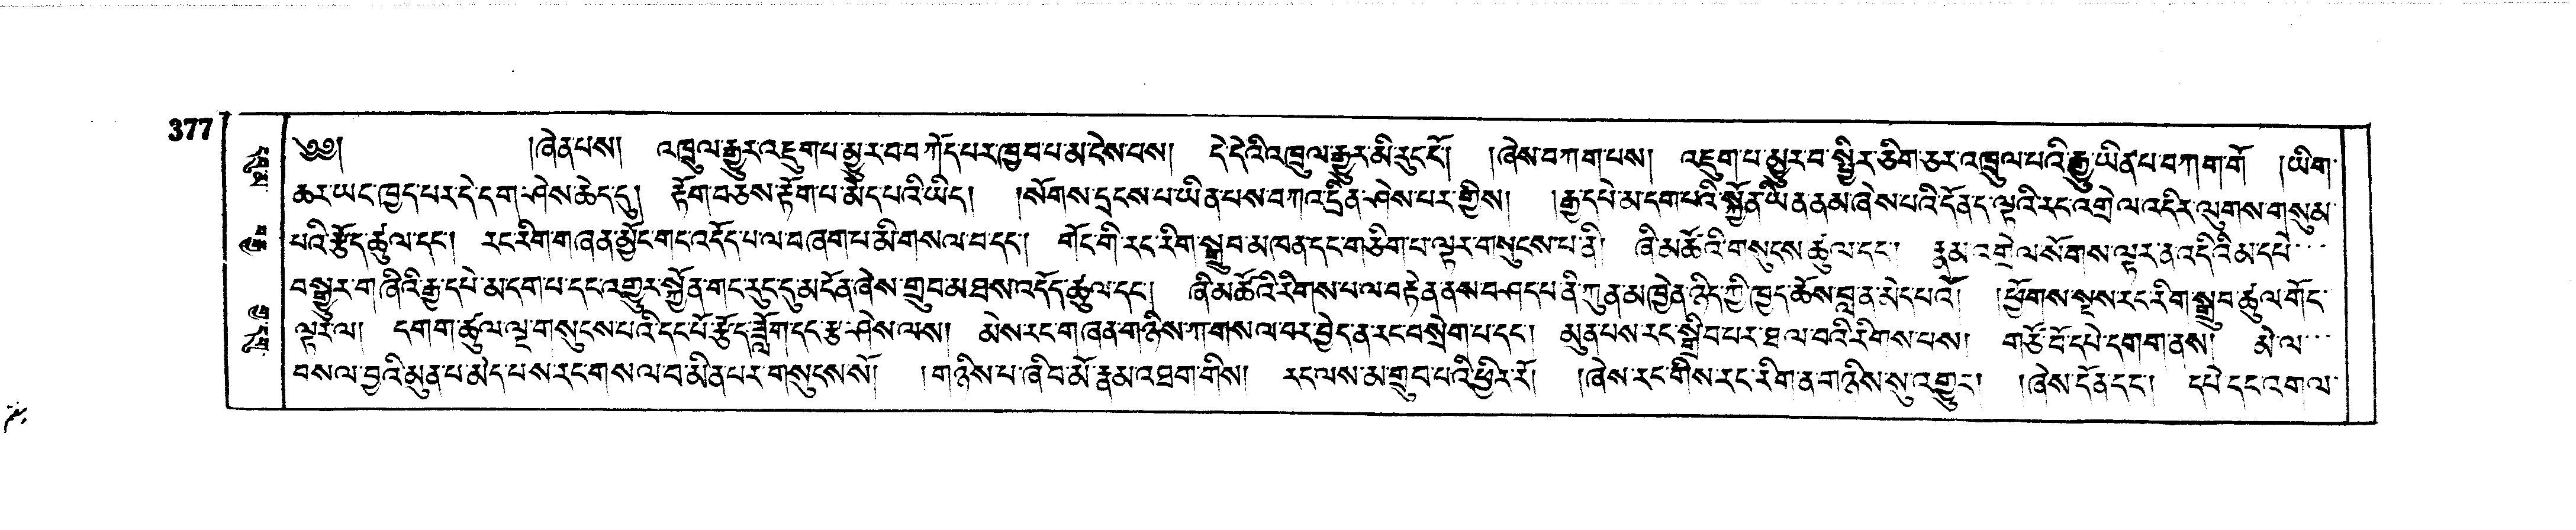༄༅། །ཞེན་པས། འཁྲུལ་རྒྱུར་འཇུག་པ་མྱུར་བ་བཀོད་པར་ཁྱབ་པ་མ་ངེས་པས། དེ་དེའི་འཁྲུལ་རྒྱུར་མི་རུང་ངོ། །ཞེས་བཀག་པས། འཇུག་པ་མྱུར་བ་སྤྱིར་ཅིག་ཅར་འཁྲུལ་པའི་རྒྱུ་ཡིན་པ་བཀག་གོ །ཡིག་
ཆར་ཡང་ཁད་པར་དེ་དག་ཤེས་ཆེད་དུ། རྟོག་བཅས་རྟོག་པ་མིད་པའི་ཡིད། །སོགས་དྲངས་པ་ཡིན་པས་བཀའ་དྲིན་ཤེས་པར་གྱིས། །རྒྱ་དཔེ་མ་དག་པའི་སྐྱོན་ཡིན་ནམ་ཞེས་པའི་དོན་ད་ལྟའི་རང་འགྲེལ་འདིར་ལུགས་གསུམ་
པའི་རྩོད་ཚུལ་དང་། རང་རིག་གཞན་མྱོང་གང་འདོད་པ་ལ་བཞག་པ་མི་གསལ་བ་དང་། གོང་གི་རང་རིག་སྒྲུབ་མཁན་དང་གཅིག་པ་ལྟར་གསུངས་པ་ནི། ཞི་མཚོའི་གསུངས་ཚུལ་དང་། རྣམ་འགྲེལ་སོགས་ལྟར་ན་འདིའི་མ་དཔེ་
བསྒྱུར་གཞིའི་རྒྱ་དཔེ་མ་དག་པ་དང་འགྱུར་སྐྱོན་གང་རུང་དུ་མངོན་ཞེས་གྲུབ་མཐས་འདོད་ཚུལ་དང་། ཞི་མཚོའི་རིགས་པ་ལ་བརྟེན་ནས་བཤད་པ་ནི་ཀུན་མཁྱེན་ཉིད་ཀྱི་ཁྱད་ཆོས་བླ་ན་མེད་པའོ། །ཕྱོགས་སྔས་རང་རིག་སྒྲུབ་ཚུལ་གོང་
ལྟར་ལ། དགག་ཚུལ་ལྔ་གསུངས་པའི་དང་པོ་རྩོད་ཟློག་དང་རྩ་ཤེས་ལས། མེས་རང་གཞན་གཉིས་ཀ་གསལ་བར་བྱེད་ན་རང་བསྲེག་པ་དང་། མུན་པས་རང་སྒྲིབ་པར་ཐལ་བའི་རིགས་པས། གཙོ་བོ་དཔེ་དགག་ནས། མེ་ལ་
བསལ་བྱའི་མུན་པ་མེད་པས་རང་གསལ་བ་མིན་པར་གསུངས་སོ། །གཉིས་པ་ཞིབ་མོ་རྣམ་འཐག་གིས། རང་ལས་མ་གྲུབ་པའི་ཕྱིར་རོ། །ཞེས་རང་གིས་རང་རིག་ན་གཉིས་སུ་འགྱུར། །ཞེས་དོན་དང་། དཔེ་དང་། དཔེ་དང་འགལ་